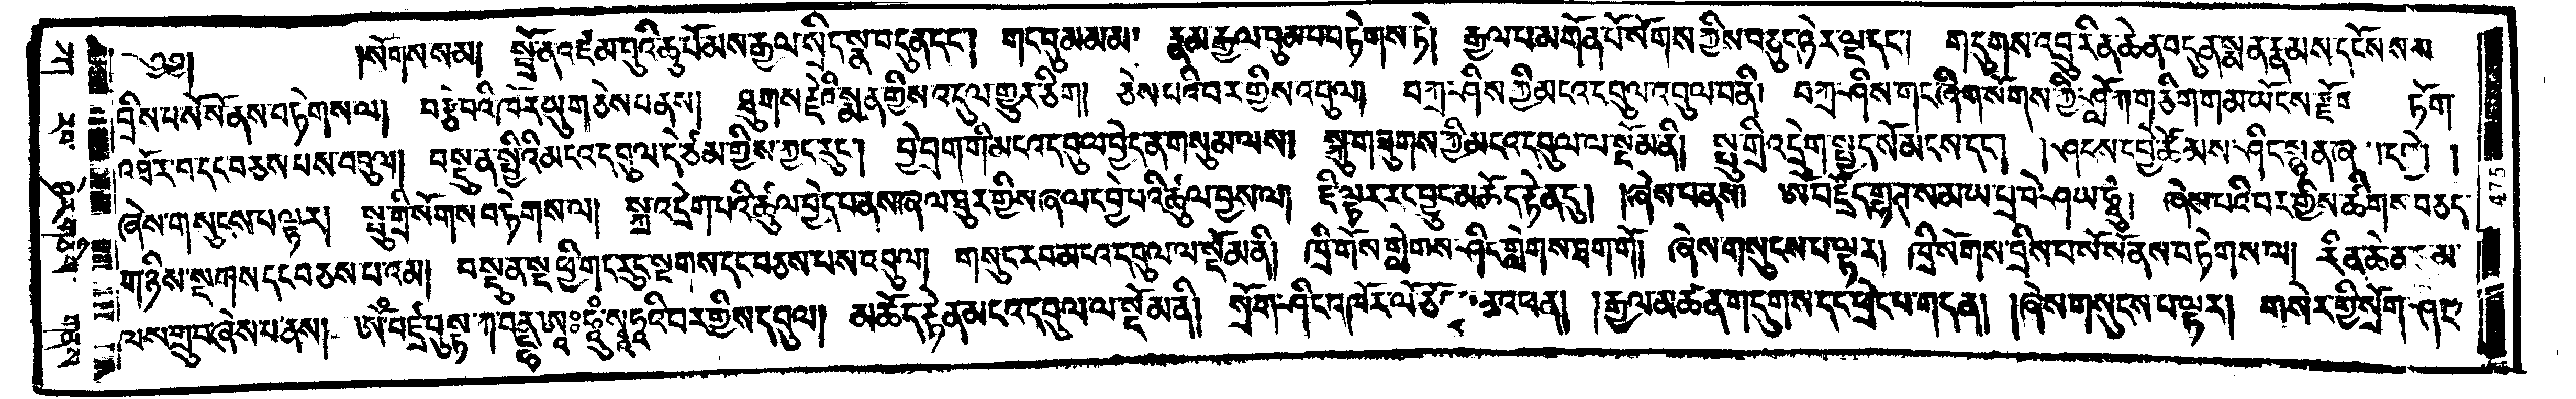༄༅། །སོགས་སམ། སྤྲོན་འཛམ་བུའི་ཆུ་བོ་མས་རྒྱལ་སྲིད་སྣ་བདུན་དང་། གང་བུམ་མམ། རྣམ་རྒྱལ་བུམ་པ་བཏེགས་ཏེ། རྒྱལ་བ་མགོན་པོ་སོགས་ཀྱིས་བཅུད་ཉེར་ལྔ་དང་། གདུགས་འབྲུ་རིན་ཆེན་བདུན་སྨན་རྣམས་དངོས་སམ་
བྲིས་པ་སོ་སོ་ནས་བཏེགས་ལ། བརྩེ་བའི་འཁོར་ཡུག་ཅེས་པ་ནས། ཐུགས་རྗེའི་སྨན་གྱིས་འདུ་ལ་གྱུར་ཅིག །ཅེས་པའི་བར་གྱིས་འབུལ། བཀྲ་ཤིས་ཀྱི་མངའ་དབུལ་འབུལ་བ་ནི། བཀྲ་ཤིས་གང་ཞིག་སོགས་ཀྱི་ཤློ་ཀ་གཅིག་གམ་ཡོངས་རྫོབ་ཏོག་
འཐོར་བ་དང་བཅས་པས་འབུལ། བསྡུ་ན་སྤྱིའི་མངའ་དབུ་ལ་དེ་ཙམ་གྱིས་ཀྱང་རུང་། བྱེ་བྲག་གི་མངའ་དབུལ་བྱེད་ན་གསུམ་ལས། སྐུ་གཟུགས་ཀྱི་མངའ་དབུལ་བ་སྡོམ་ནི། སྤུ་གྲི་འདྲེག་སྤྱད་སོ་མངས་དང་། །ཤངས་དབྱེ་ཚོམས་ཤིང་སྙན་ཞ། དགྱེ?། །
ཞེས་གསུངས་བལྟར། སྤུ་གྲི་སོགས་བཏེགས་ལ། སྐྲ་འདྲེག་པའི་ཚུལ་བྱེད་པ་ནས་ཞལ་ཐུར་གྱིས་ཞལ་དབྱེ་བའི་ཚུལ་བྱས་ལ། ཇི་ལྟར་རང་བྱུང་མཆོད་རྟེན་དུ། །ཞེས་པ་ནས། ཨོཾ་བཛྲ་དགྷ་ཊ་ས་མ་ཡ་པྲ་བེ་ཤ་ཡ་ཧཱུཨེ། ཞེས་པའི་བར་གྱིས་ཚིགས་བཅད་
གཉིས་སྔགས་དང་བཅས་པ་འམ། བསྡུན་སྔ་ཕྱི་གང་རུང་སྔགས་དང་བཅས་པས་འབུལ། གསུང་རབ་མངའ་དབུལ་ལ་སྡོམ་ནི། ཁྲོ་གོས་གླེགས་ཤིང་གླེགས་ཐག་གོ། ཞེས་གསུངས་པ་ལྟར། ཁྲི་སོགས་བྲིས་པ་སོ་སོ་ནས་བཏགས་ལ། རིན་ཆེན་མ་
ལས་གྲུབ་ཞེས་པ་ནས། ཨོཾ་བཛྲ་བུསྟ་ཀ་བནྡྷ་ཨཱཿ ཧཱུཾ་སྭཱཧཱའི་བར་གྱིས་དབུལ། མཆོད་རྟེན་མདའ་དབུལ་ལ་སྡོམ་ནི། སྲོག་ཤིང་འཁོར་ལོ་ཅོས?་ན་འཕན། རྒྱལ་མཚན་གདུགས་དང་ཕྲེང་པ་གདན། །ཞེས་གསུངས་པ་ལྟར། གསེར་གྱི་སྲོག་ཤང་